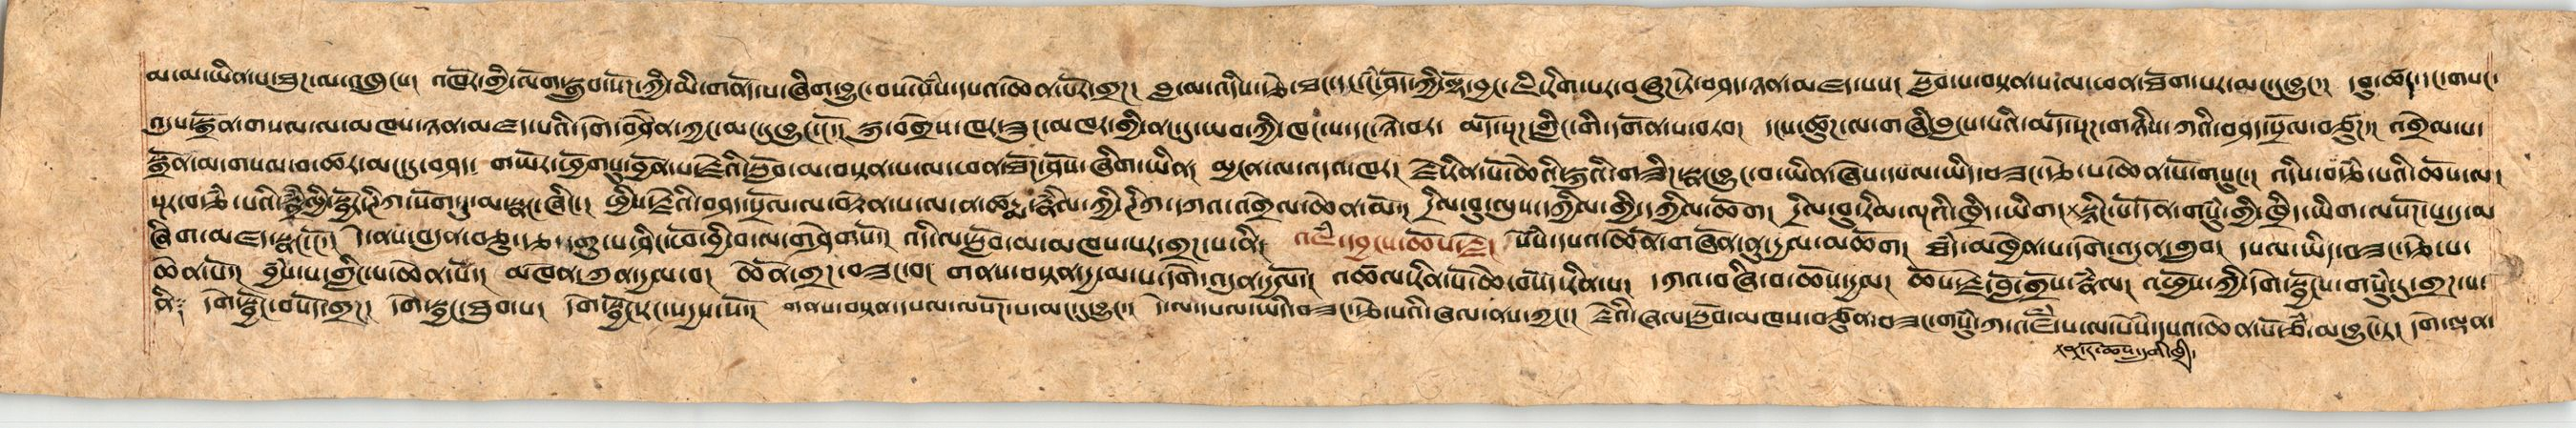མ་མ་ཡིན་པ་ཐུཌ་ལ་འཁྲུངས། འཁོར་གྱི་ལོག་སྒྲུབ་སོཌ་ཀྱི་ཀྱང་མི་གནོད་པ་ཞིག་བྱུང་བས་སེཾས་དཔའ་ཆེན་པོར་གྲཌ། བླ་མ་འདིས་རྩེ་ཐང་དང་།ཾ་ཤོད་ཀྱི་ལྷོ་བྱང་ཇི་རིག་པར་བཞུཌ་ཏེ་བཤད་ཉན་མཛད་པས། སློབ་པ་བསྟན་པ་ལ་ཕན་ཐོག་པར་མང་དུ་བྱུང་། དབུ་ཚད་དང་གསང་
འདུས་སྒྲོན་གསལ་ལ་མཁས་ཉན་མཛད་པའི་དགེ་བཤཻན་ཀྱང་མང་དུ་བྱུང་ངོ་། སྐུ་བགྲེས་ཁར་ཟུང་མཁར་གྱི་ནང་དུ་ཡབ་ཀྱི་ཁང་པ་དང་ཉེ་བར་ མདོ་སྔཌ་གླིང་གི་དགོན་པ་བཏབ། དངས་ཚུཌ་ལ་གཞི་བླངས་པའི་མདོ་སྔཌ་གཉིས་ཀའི་བཤད་སྲོལ་བཙུཌ། འགྲེལ་པ་
སྒྲོན་མ་གསལ་བ་ཚར་མང་དུ་བཤད། གཡོར་ཕྱོགསུ་བྱོན་པའི་རྗེའི་སློབ་མ་བསྟན་པ་ལ་ཕན་ཐོཌ་ཤོས་ཞིག་ཡིན། མྱངན་ལ་འདའ་ཁར། རྗེ་རིན་པོ་ཆེའི་སྐུའི་གཟིཌ་སྣང་བྱུང་བ་ཡིན་ཞེས་དཔལ་ཡིད་བཟང་རྩེ་པ་ཆེན་པོ་གསུང་། འདིས་བརྩཾ་པའིཆོས་ལ་
སྔར་བརྩཾ་པའི་རྣྲེཾལྱི་སྦྱོར་ཊིཀ་སོག་དུ་མ་སྣང་ཞིང་། ཕྱིས་རྗེའི་བཤད་སྲོལ་ལ་བརྟེན་པ་ལ་ཚདྨ་རྣྲེཾལ་ཀྱི་ཊིཀ་དཀའ་འགྲེལ་ཆེན་མོ། དྲིལ་བུ་ལུས་དཀྱིལ་གྱི་དཀྱིལ་ཆོག དྲིལ་བུ་རིམ་ལྔའི་ཁྲིད་ཡིག སྙིང་པོ་དོན་གསུཾ་གྱི་ཁྲིད་ཡིག་ལསོཌ་པ་དུ་མ་
ཞིག་མཛད་སྣང་ངོ་། དེ་ནས་བདུན་ཅུ་རྩ་དགུ་པ་ཤིང་ཕོ་བྱི་བ་ལ་གཤེགསོ་། འདི་ལ་སློབ་མ་མཁས་པར་གྲཌ་པ་ནི། འཇཾ་དབྱངས་ཆོས་རྗེ། སེཾས་དཔའ་ཆེནོ་གཞོན་ནུ་དྱལ་མཆོག། ཐཾད་མཁྱེན་པ་དགེ་འདུན་གྲུབ། དཔལ་ཡིད་བཟང་རྩེ་པ་
ཆེན་པོ་། བྱཾས་པ་གླིང་པ་ཆེན་པོ། མཁེན་ཀུན་དྱལ་བ། ཆེནོ་གྲཌ་བཟང་བ། གནས་བསྟན་དྱ་མ་པ་དགེ་འདུན་དྱལོ་། འཚལ་རིན་པོ་ཆེ་བསོད་རིན་པ། དཀའ་བཞི་པ་ཆོས་དྱལ། ཆོས་རྗེ་བློ་གྲོས་རྣཾལ། འཕྱོས་ཀྱི་དགེ་སྦྱོངས་གསུཾ་དུ་གྲཌ་པ་
ནི༑ དགེ་སྦྱོང་བསོད་གྲཌ། དགེ་སྦྱང་ཐུབ་པ། དགེ་སྦྱོང་རང་སདྱས་སོ་། གནངབསྟན་་དཔལ་ལསོཌ་པ་མང་དུ་བྱུང་། དེ་ལ་དཔལ་ཡིད་བཟང་རྩེ་པའི་ཞལ་ནས་ཀྱང་། རྗེའི་ཞལ་སློབ་མཁས་བཙུན་བཟང་གསུཾ་ཀ་འཛོཾ་པ་ལ་སེཾས་དཔའ་ཆེན་པོ་ཙཾ་མ་བྱུང་སྟེ། དགེ་ལྡན་